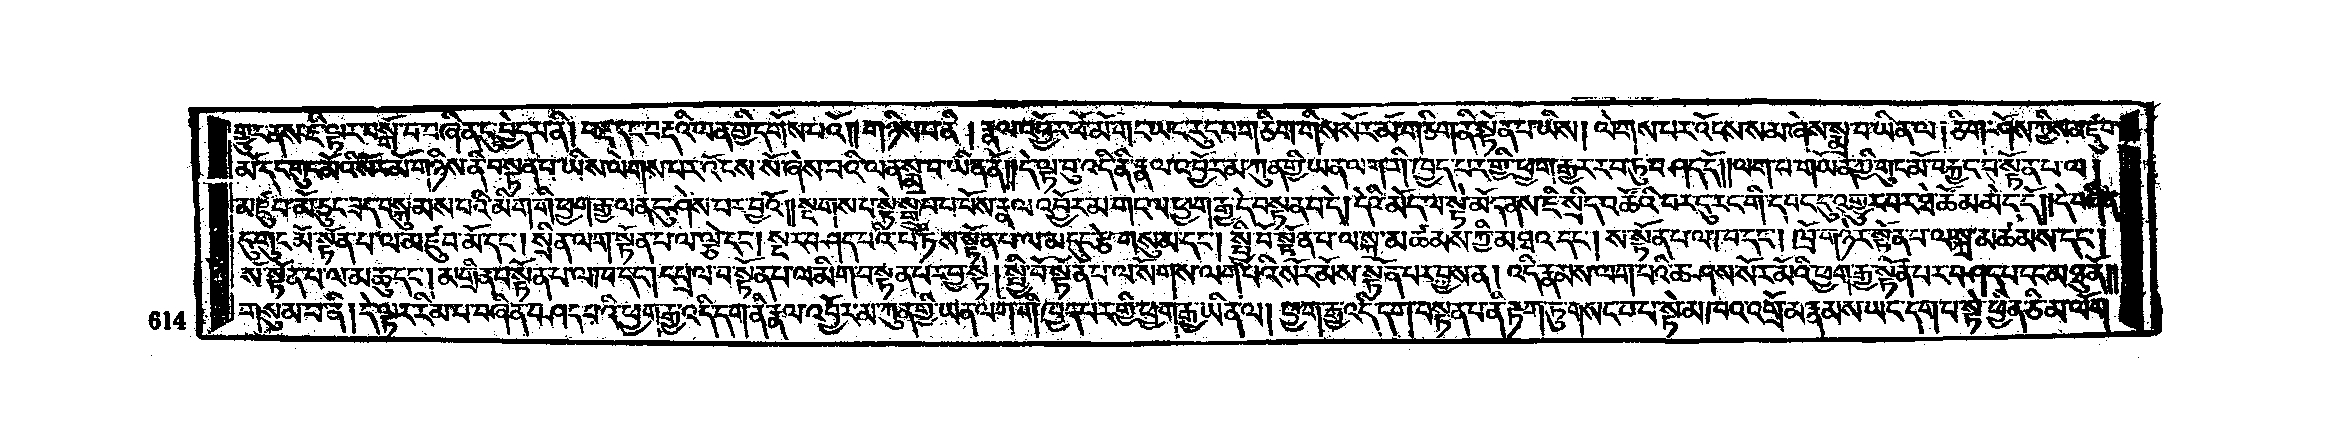གྱུར་ནས་ཇི་ལྟར་བསྒོ་བ་བཞིན་དུ་བྱེད་པ་ནི། བརྡ་དང་བརྡའི་ལན་གྱི་དགོས་པའོ། །གཉིས་པ་ནི། རྣལ་འབྱོར་ཕོ་མོ་གང་ཡང་རུང་བ་གཅིག་གིས་སོར་མོ་གཅིག་ནི་སྟོན་པ་ཡིས། ལེགས་པར་འོངས་སམ་ཞེས་སྨྲ་བ་ཡིན་ལ། ཅིག་ཤོས་ཀྱིས་མཛུབ་
མོ་དང་གུང་མོའི་སོར་མོ་གཉིས་ནི་བསྟན་པ་ཡིས་ལེགས་པར་འོངས་སོ་ཞེས་པའི་ལན་སྨྲ་བ་ཡིན་ནོ། །དེ་ལྟ་བུ་འདི་ནི་རྣལ་འབྱོར་མ་ཀུན་གྱི་ཡན་ལག་གི་ཁྱད་པར་གྱི་ཕྱག་རྒྱར་རབ་ཏུ་བཤད་དོ། །ལག་པ་གཡོན་ཀྱི་གུང་མོ་བརྐྱང་བ་སྟོན་པ་ལ།
མཛུབ་མོ་ཅུང་ཟད་བསྐུམས་པའི་མིག་གི་ཕྱག་རྒྱ་ལན་དུ་ཤེས་པར་བྱའོ། །སྔགས་པ་སྟེ་སྒྲུབ་པ་པོས་རྣལ་འབྱོར་མ་གང་ལ་ཕྱག་རྒྱ་དེ་བསྟན་པ་དེ། དེའི་མོད་ལ་སྟེ་མོད་ནས་ཇི་སྲིད་འཚོའི་བར་དུ་རང་གི་དབང་དུ་འགྱུར་བར་ཐེ་ཚོམ་མེད་དོ། །དེ་བཞིན་
དུ་གུང་མོ་སྟོན་པ་ལ་མཛུབ་མོ་དང་། སྲིན་ལག་སྟོན་པ་ལ་ལྕེ་དང་། སྔར་བཤད་པའི་པ་ཏིས་སྟོན་པ་ལ་མདུང་རྩེ་གསུམ་དང་། སྤྱི་བོ་སྟོན་པ་ལ་སྐྲ་མཚམས་ཀྱི་མཐའ་དང་། ས་སྟོན་པ་ལ་ཁ་དང་། ཁྲོ་གཉེར་སྟོན་པ་ལ་སྐྲ་མཚམས་དང་།
སོ་སྟོན་པ་ལ་མཆུ་དང་། མགྲིན་པ་སྟོན་པ་ལ་ཁ་དང་། དཔྲལ་བ་སྟོན་པ་ལ་མིག་བསྟན་པར་བྱ་སྟེ། སྤྱི་བོ་སྟོན་པ་ལ་སོགས་ལག་པའི་སོར་མོས་སྟོན་པར་བྱས་ན། འདི་རྣམས་ལག་པའི་ཆ་ཤས་སོར་མོའི་ཕྱག་རྒྱ་སྟོན་པར་བཤད་པ་དང་མཐུན་ནོ། །
གསུམ་པ་ནི། དེ་ལྟར་རིམ་པ་བཞིན་བཤད་པའི་ཕྱག་རྒྱ་འདི་དག་ནི་རྣལ་འབྱོར་མ་ཀུན་གྱི་ཡན་ལག་གི་ཁྱད་པར་གྱི་ཕྱག་རྒྱ་ཡིན་ལ། ཕྱག་རྒྱ་འདི་དག་བསྟན་པ་ནི་རྟག་ཏུ་གསང་བ་པ་སྟེ་མཁའ་འགྲོ་མ་རྣམས་ཡང་དག་པ་སྟེ་ཕྱིན་ཅི་མ་ལོག་